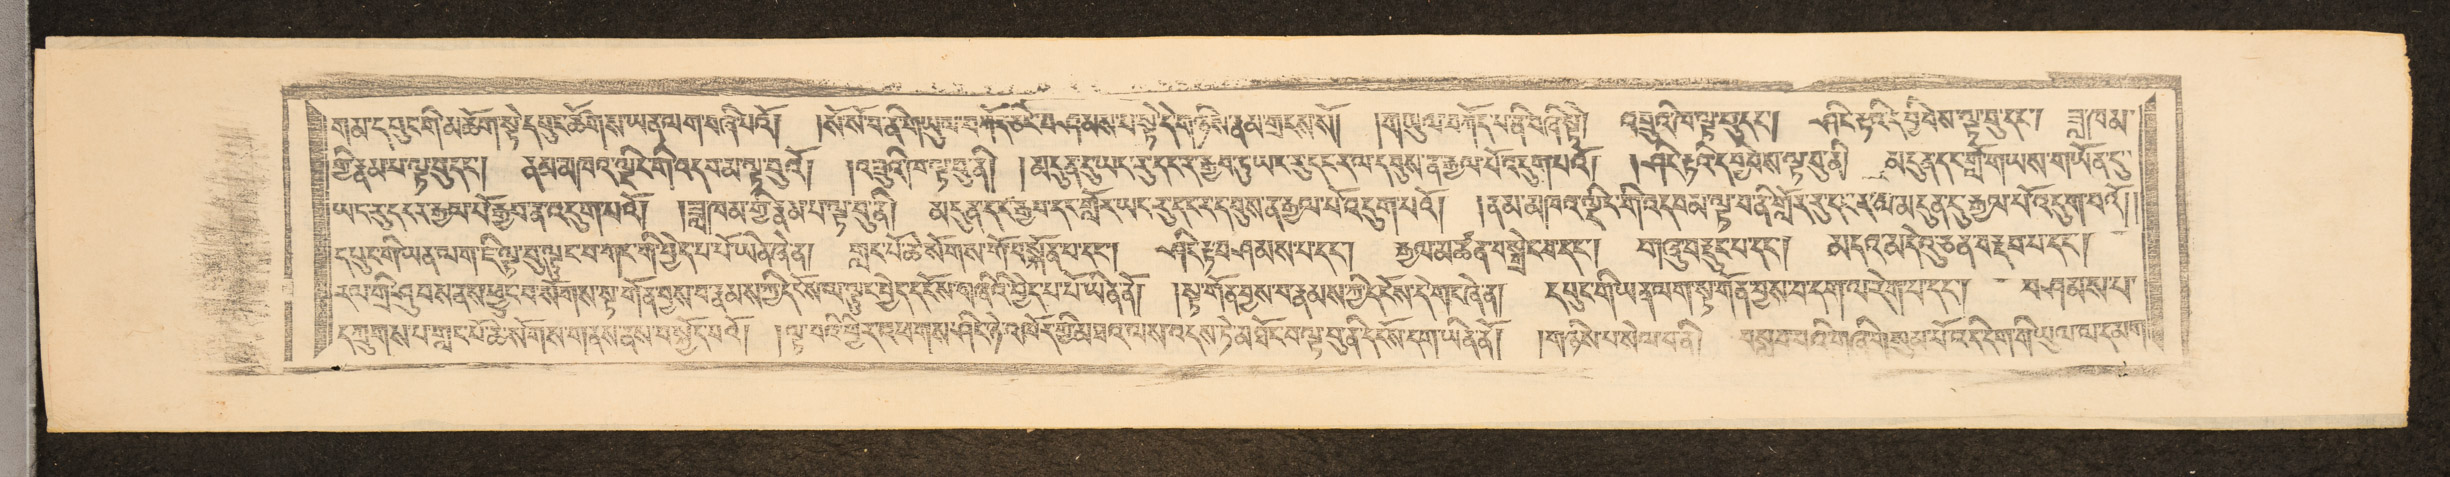གམ་དཔུང་གི་མཆོག་སྟེ་དཔུང་ཚོགས་ཡན་ལག་བཞི་པའོ། །སོ་སོ་བ་ནི་གཡུལ་བཀོད་ཅིང་བཤམས་བ་སྟེ་དེ་གཉིས་རྣམ་གྲངས་ས། །གཡུལ་བཀོད་པ་ནི་བཞི་སྟེ། འབྲུའི་བ་ལྟ་བུ་དང་། ཤིང་རྟའི་དབྱིབས་ལྟ་བུ་དང་། ཟླ་ཁམ་
གྱི་རྣམ་པ་ལྟ་བུ་དང་། ནམ་མཁའ་ལྡིང་གི་འདབ་མ་ལྟ་བུའོ། །འབྲུའི་ཁ་ལྟ་བུ་ནི། །མདུན་དུ་ཡང་རུ་དངར་རྒྱབ་ཏུ་ཡང་རུ་དང་ར་ལ་དབུས་ན་རྒྱལ་པོ་འདུག་པའོ། །ཤིང་རྟའི་དབྱིབས་ལྟ་བུ་ནི། མདུན་དང་གློ་གཡས་གཡོན་དུ་
ཡང་རུ་དངར་རྒྱལ་པོ་རྒྱབ་ན་འདུག་པའོ། །ཟླ་ཁམ་གྱི་རྣམ་པ་ལྟ་བུ་ནི། མདུན་དང་རྒྱབ་དང་གློར་ཡང་རུ་དངར་དབུས་ན་རྒྱལ་པོ་འདུག་པའོ། །ནམ་མཁའ་ལྡིང་གི་འདབ་མ་ལྟ་བ་ནི་གློར་རུ་དངར་ལ་མདུན་དུ་རྒྱལ་པོ་འདུག་པའོ།།
དཔུང་གི་ཡན་ལག་ཇི་ལྟ་བུ་ལྟུང་བ་གང་གི་བྱེད་པ་པོ་ཡིན་ཞེན། གླང་པོ་ཆེ་སོགས་གོ་བསྐོན་པ་དང་། ཤིང་རྟ་བཤམས་པ་དང་། རྒྱལ་མཚན་བསྒྲེང་བ་དང་། གཞུ་བརྡུང་པ་དང་། མདའ་མདེའུ་ཅན་བརྡབ་པ་དང་།
རལ་གྲི་ཤུབས་ནས་ཕྱུང་པ་སོགས་སྟ་གོན་བྱས་པ་རྣམས་ཀྱི་དངོས་ལ་ལྟུང་བྱེད་དངོས་གཞིའི་བྱེད་པ་པོ་ཡིན་ནོ། །སྟ་གོན་བྱས་པ་རྣམས་ཀྱི་དངོས་དེ་གང་ཞེན། དཔུང་གི་ཡན་ལག་སྟ་གོན་བྱས་པ་དག་ལ་རེག་པ་དང་། བཤམས་པ་
དཀྲུགས་པ་གླང་པོ་ཆེ་སོགས་གནས་ནས་བསྐྱོད་པའོ། །ལྟ་བའི་ཕྱིར་འཕགས་ཤིང་ཉེ་འཁོར་གྱི་མཐའ་ལས་འདས་ཏེ་མཐོང་བ་ལྟ་བུ་ནི་དངོས་དག་ཡིན་ནོ། །གཉིས་པ་སེལ་བ་ནི། བསླབ་པའི་གཞི་གསུམ་པོ་འདི་དག་གི་ཡུལ་ལ་དམག་